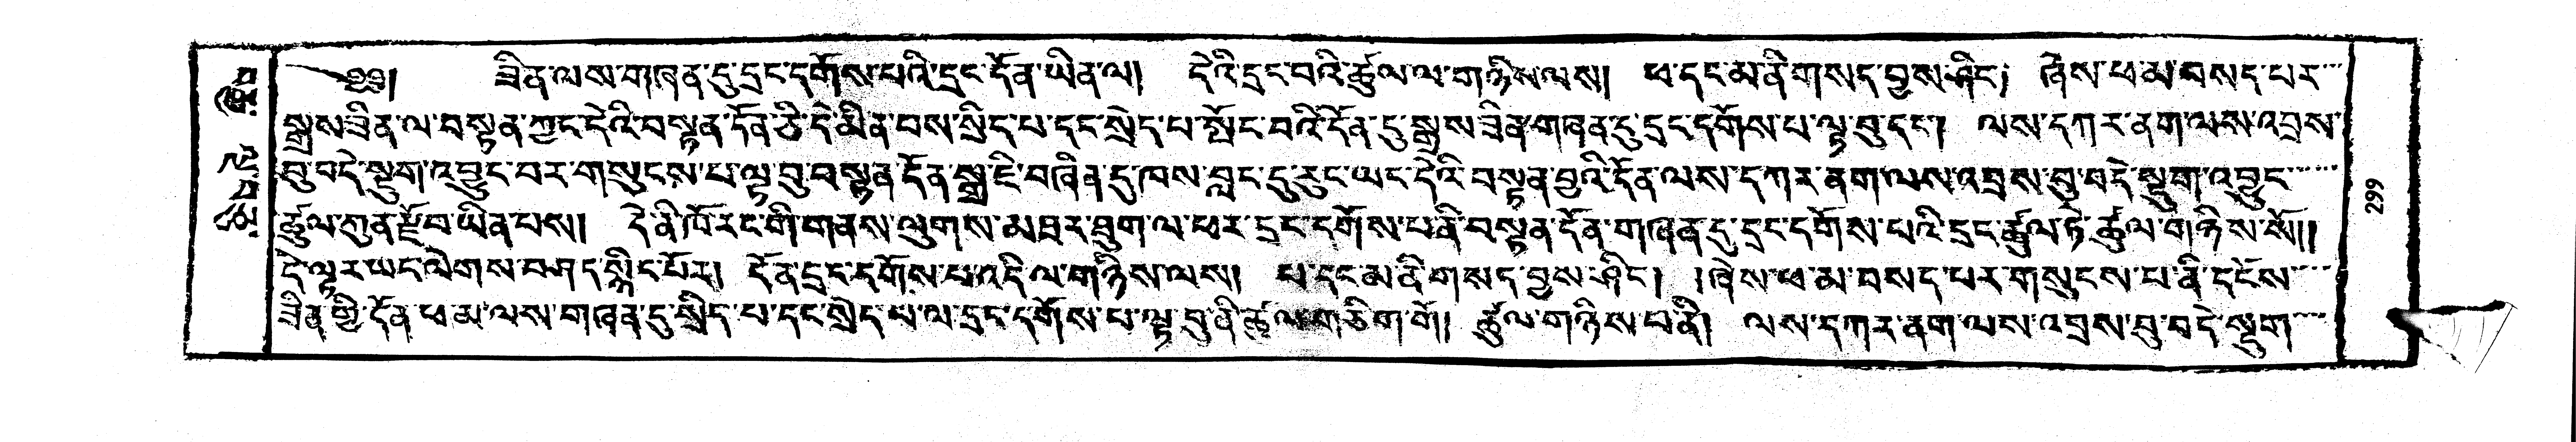༄༅། །ཟིན་ལས་གཞན་དུ་དྲང་དགོས་པའི་དྲང་དོན་ཡིན་ལ། དེའི་དྲང་བའི་ཚུལ་ལ་གཉིས་ལས། ཕ་དང་མ་ནི་གསད་བྱས་ཤིང་། ཞེས་ཕ་མ་བསད་པར་
སྒྲས་ཟིན་ལ་བསྟན་ཀྱང་དེའི་བསྟན་དོན་ཅི་དེ་མིན་པས་སྲིད་པ་དང་སྲེད་པ་སྤོང་བའི་དོན་དུ་སྒྲས་ཟིན་གཞན་དུ་དྲང་དགོས་པ་ལྟ་བུ་དང་། ལས་དཀར་ནག་ལས་འབྲས་
བུ་བདེ་སྡུག་འབྱུང་བར་གསུངས་པ་ལྟ་བུ་བསྟན་དོན་སྒྲ་ཇི་བཞིན་དུ་ཁས་བླང་དུ་རུང་ཡང་དེའི་བསྟན་བྱའི་དོན་ལས་དཀར་ནག་ལས་འབྲས་བུ་བདེ་སྡུག་འབྱུང་
ཚུལ་ཀུན་རྫོབ་ཡིན་པས། དེ་ནི་ཁོ་རང་གི་གནས་ལུགས་མཐར་ཐུག་ལ་ཕར་དྲང་དགོས་པ་ནི་བསྟན་དོན་གཞན་དུ་དྲང་དགོས་པའི་དྲང་ཚུལ་ཏེ་ཚུལ་གཉིས་སོ། །
དེ་ལྟར་ཡང་ལེགས་བཤད་སྙིང་པོར། དོན་དྲང་དགོས་པ་འདི་ལ་གཉིས་ལས། པ་དང་མ་ནི་གསད་བྱས་ཤིང་། །ཞེས་ཕ་མ་བསད་པར་གསུངས་པ་ནི་དངོས་
ཟིན་གྱི་དོན་ཕ་མ་ལས་གཞན་དུ་སྲིད་པ་དང་སྲེད་པ་ལ་དྲང་དགོས་པ་ལྟ་བུ་ནི་ཚུལ་གཅིག་གོ །ཚུལ་གཉིས་པ་ནི། ལས་དཀར་ནག་ལས་འབྲས་བུ་བདེ་སྡུག་